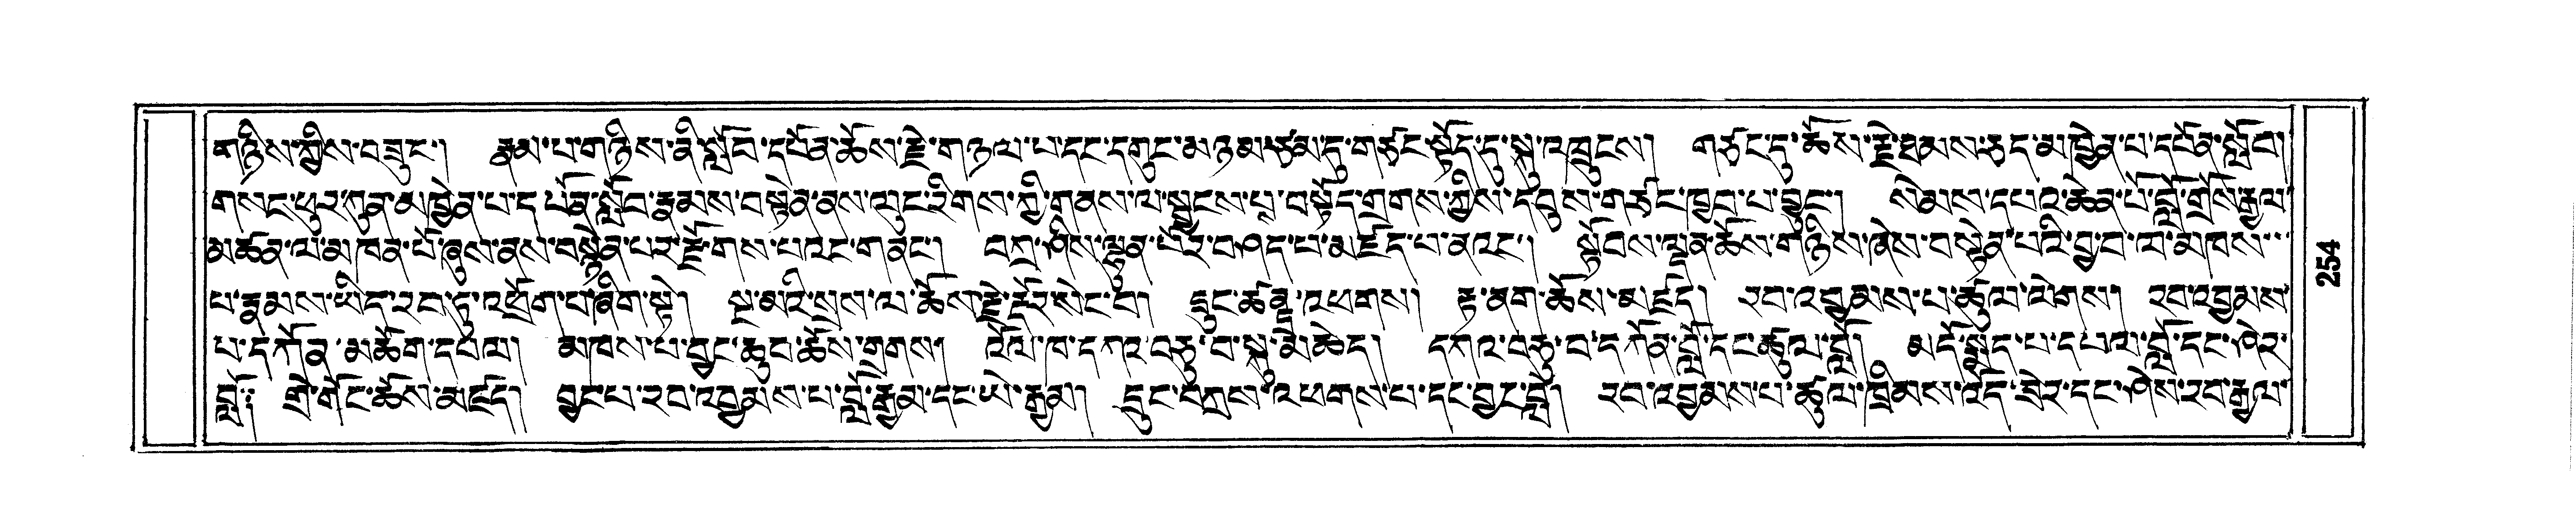གཉིས་ཀྱིས་བཟུང་། རྣམ་པ་གཉིས་ནི་སློབ་དཔོན་ཆོས་རྗེ་གཉལ་པ་དང་གདུང་མཉམ་ཙམ་དུ་གཙང་སྟོད་དུ་སྐུ་འཁྲུངས། གཙང་དུ་ཆོས་རྗེ་ཐམས་ཅད་མཁྱེན་པ་དཔོན་སློབ།
གསང་ཕུར་ཀུན་མཁྱེན་པ་དཔོན་སློབ་རྣམས་བསྟེན་ནས་ལུང་རིགས་ཀྱི་གནས་ལ་སྦྱངས་པས་བསྟོད་གྲགས་ཀྱིས་དབུས་གཙང་ཁྱབ་པ་བྱུང་། སེམས་དཔའ་ཆེན་པོ་བློ་གྲོས་རྒྱལ་
མཚན་ལ་མཁན་པོ་ཞུས་ནས་བསྙེན་པར་རྫོགས་པའང་གནང་། བཀྲ་ཤི་ལྷུན་པོར་བཤད་པ་མཛད་པ་ནའང་། སྟོབས་ལྡན་ཆོས་གཉིས་ཞེས་བསྟེན་པའི་བྱ་བ་ལ་མཁས་
པ་རྣམས་ཡིད་རབ་ཏུ་འཕྲོ་པ་ཞིག་སྟེ། སྔ་མའི་སྲས་ལ་ཆོས་རྗེ་རྡོར་སེང་བ། དྲུང་ཚནྡ་འཕགས། རྟ་ནག་ཆོས་མཛད། རབ་འབྱམས་པ་ཚུལ་ལེགས། རབ་འབྱམས་
པ་དཀོན་མཆོག་དཔལ། མཁས་པ་བྱང་ཆུབ་ཆོས་གྲགས། འོ་ཁ་དཀའ་བཅུ་བ་སྐུ་མེ་ཆེད། དཀའ་བཅུ་བ་དཀོན་བློ་དང་ཚུལ་བློ། མདོ་སྨད་པ་དཔལ་བློ་དང་ཤེར་
བློ༑ གྲེ་གོང་ཆོས་མཛད། བྱང་པ་རབ་འབྱམས་པ་བློ་རྒྱ་དང་ཡེ་རྒྱམ། དྲུང་བཀྲས་འཕགས་པ་དང་བྱང་བླ། རབ་འབྱམས་པ་ཚུལ་ཀྲྷིམས་འོད་ཟེར་དང་ཤེས་རབ་རྒྱལ་